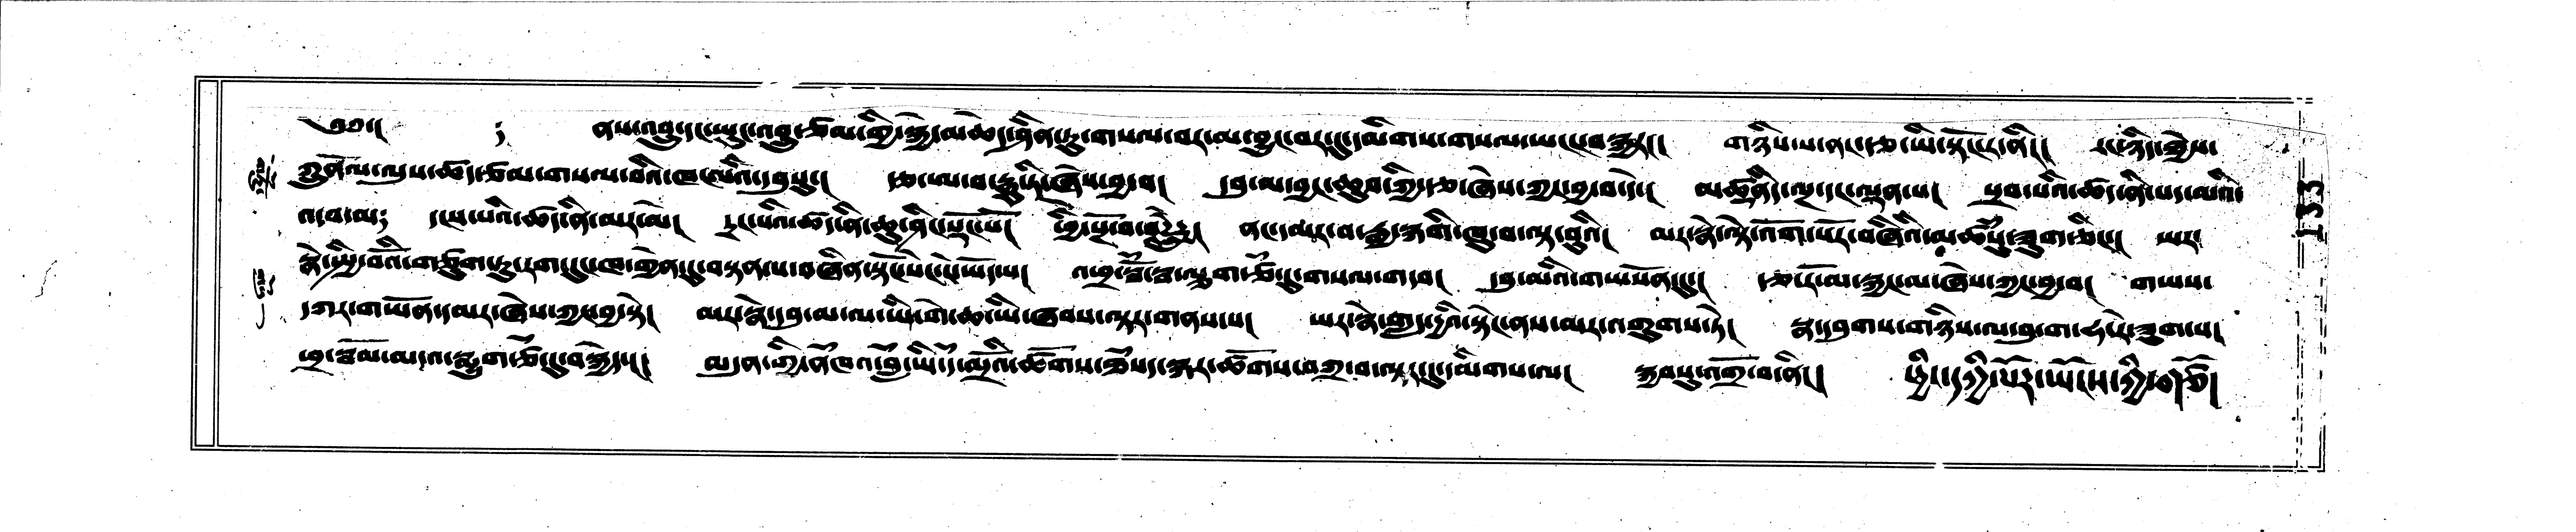ནས་འབྲུ་དང་ཡུངས་འབྲུ་ཙམ་གྱི་སྐྱེ་མཆེད་ཤིན་ཏུ་གསལ་བར་མ་བྱུང་བར་དུ་དམིགས་གསལ་ཡང་ཡང་བསྐྱར། གཉིས་པ་ནང་རྩ་ཡི་སྟོང་ར་ནི། རང་ཉིད་ཐུགས་རྗེ་
ཀུན་གྲོལ་ལུས་ཚད་ཙམ་གསལ་བའི་ཁང་པའི་དབུས་སུ། རྩ་བ་ཨ་བ་དྷུ་ཏི་ཞེས་བྱ་བ། དབུ་མ་བྱང་ཆུབ་ཀྱི་རྩ་ཞེས་ཀྱང་བྱ་བ་དེ། མཚན་ཉིད་ལྔ་དང་ལྡན་པ། སྲབ་པའི་ཚད་ནི་པད་མའི་
འདབ་མ། དངས་པའི་ཚད་ནི་མར་མེ། དྲང་པའི་ཚད་ནི་ཆུ་ཤིང་སྡོང་པོ། ཕྱི་སྔོ་བ་བཱཻ་ཌཱུརྱ། ནང་དམར་བ་རྒྱ་སྐག་གི་ཁུ་བ་ལྟ་བུའི། མར་སྣེ་ལྟེ་འོག་སོར་བཞིའི་མཚམས་སུ་ཟུག་ཅིང་། ཡར་
སྣེ་སྤྱི་བོའི་གཙུག་ཏུ་རག་དུང་ཁ་གྱེན་དུ་བསྟན་པ་བཞིན་སྟོང་ངེང་ངེ་ཡོད་པ། འཕྲ་སྦོམ་སྦ་ལྕག་ཙམ་དུ་གསལ་གདབ། དབུ་མའི་གཡས་གཡོན་དུ། རྩ་རོ་མ་རྐྱང་མ་ཞེས་ཀྱང་བྱ་བ། གཡས་
དཀར་གཡོན་དམར་ཞེས་ཀྱང་བྱ་སྟེ། མར་སྣེ་དབུ་མ་ལ་ཡི་གེ་ཆ་ཡི་ཞབས་ལྟར་གནས་པ། ཡར་སྣེ་གླད་རྒྱའི་སྟེང་ནས་མར་འགུགས་ཏེ། སྣ་བུག་གཉིས་ལ་བུ་ག་ཧར་རེ་ཟུག་པ།
 ཕྲ་སྦོམ་མདའ་སྨྱུག་ཙམ་དུ་བསྐྱེད། མདུན་གྱི་ནམ་མཁའ་བླ་མ་ཡི་དམ་མཁའ་འགྲོའི་ཚོགས་ཐམས་ཅད་སྐར་ཚོགས་བཀྲ་བ་ལྟར་དུ་དམིགས་ལ། སྐྱབས་སུ་འགྲོ་བ་ནི། ཕྱི་ནང་དཀྱིལ་འཁོར་ཡོངས་ཀྱི་གཙོ།